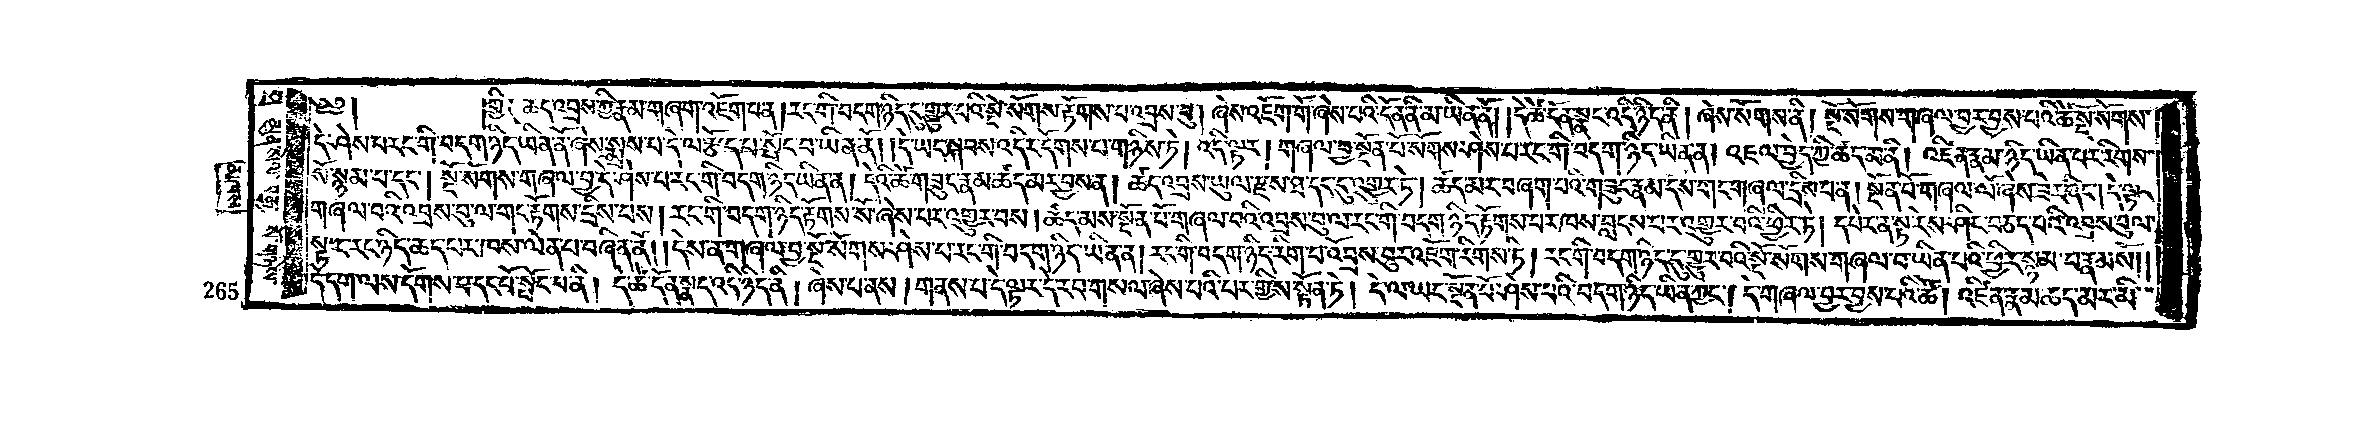༄༅། །གྱི༑ ཚད་འབྲས་ཀྱི་རྣམ་གཞག་འཇོག་པ་ན། རང་གི་བདག་ཉིད་དུ་གྱུར་པའི་སྔོ་སོགས་རྟོགས་པ་འབྲས་བུ། ཞེས་འཇོག་གོ་ཞེས་པའི་དོན་ནི་མ་ཡིན་ནོ། །དེ་ཚེ་དོན་སྣང་འདི་ཉིད་ནི། ཞེས་སོགས་ནི། སྔོ་སོགས་གཞལ་བྱར་བྱས་པའི་ཚེ་སྔོ་སོགས་
དེ་ཤེས་པ་རང་གི་བདག་ཉིད་ཡིན་ནོ་ཞེས་སྨྲས་པ་དེ་ལ་རྩོད་པ་སྤོང་བ་ཡིན་ནོ། །དེ་ཡང་སྐབས་འདིར་དོགས་པ་གཉིས་ཏེ། འདི་ལྟར། གཞལ་བྱ་སྔོན་པོ་སོགས་ཤེས་པ་རང་གི་བདག་ཉིད་ཡིན་ན། འཇལ་བྱེད་ཀྱི་ཚད་མ་ནི། འཛིན་རྣམ་ཉིད་ཡིན་པར་རིགས་
སོ་སྙམ་པ་དང་། སྔོ་སོགས་གཞལ་བྱ་དེ་ཤེས་པ་རང་གི་བདག་ཉིད་ཡིན་ན། དེའི་ཚེ་གཟུང་རྣམ་ཚད་མར་བྱས་ན། ཚད་འབྲས་ཡུལ་རྫས་ཐ་དད་དུ་འགྱུར་ཏེ། ཚད་མར་བཞག་པའི་གཟུང་རྣམ་དེས་གང་གཞལ་དྲིས་པ་ན། སྔོན་པོ་གཞལ་ལོ་ཞེས་ཟེར་ཞིང་། དེ་ལྟར་
གཞལ་བའི་འབྲས་བུ་ལ་གང་རྟོགས་དྲིས་པས། རང་གི་བདག་ཉིད་རྟོགས་སོ་ཞེས་པར་འགྱུར་བས། ཚད་མས་སྔོན་པོ་གཞལ་བའི་འབྲས་བུ་ལ་རང་གི་བདག་ཉིད་རྟོགས་པར་ཁས་བླངས་པར་འགྱུར་བའི་ཕྱིར་ཏེ། དཔེར་ན་སྟ་རེས་ཤིང་བཅད་པའི་འབྲས་བུ་ལ་
སྟ་རེ་རང་ཉིད་ཆད་པར་ཁས་ལེན་པ་བཞིན་ནོ། །དེས་ན་གཞལ་བྱ་སྔོ་སོགས་ཤེས་པ་རང་གི་བདག་ཉིད་ཡིན་ན། རང་གི་བདག་ཉིད་རིག་པ་འབྲས་བུར་འཇོག་རིགས་ཏེ། རང་གི་བདག་ཉིད་དུ་གྱུར་པའི་སྔོ་སོགས་གཞལ་བ་ཡིན་པའི་ཕྱིར་སྙམ་པ་རྣམས་སོ། །
དེ་དག་ལས་དོགས་པ་དང་པོ་སྤོང་བ་ནི། དེ་ཚེ་དོན་སྣད་འདི་ཉིད་ནི། ཞེས་པ་ནས། གནས་པ་དེ་ལྟར་དེ་རབ་གསལ་ཞེས་པའི་པར་གྱིས་སྟོན་ཏེ། དེ་ལ་ཡང་སྔོན་པོ་ཤེས་པའི་བདག་ཉིད་ཡིན་ཀྱང་། དེ་གཞལ་བྱར་བྱས་པའི་ཚེ། འཛིན་རྣམ་ཚད་མར་མི་